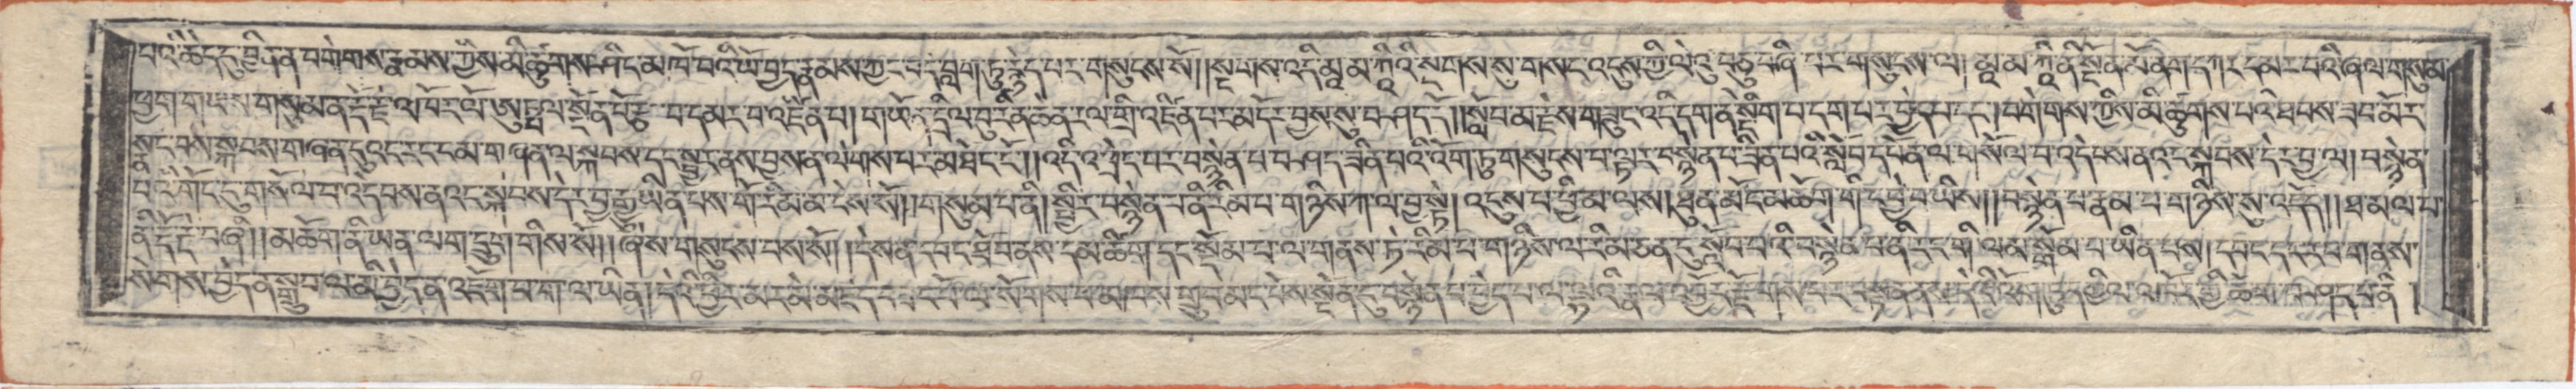པའི་ཆེད་དུ་བྱིན་ན་བགེགས་རྣམས་ཀྱིས་མི་ཚུགས་ཤིང་མཁོ་བའི་ཡོ་བྱད་རྣམས་ཀྱང་བདེ་བླག་ཏུ་རྙེད་པར་གསུངས་སོ། །སྔགས་འདི་མཱ་མ་ཀཱིའི་སྔགས་སུ་གསང་འདུས་ཀྱི་ལེའུ་བཅུ་བཞི་པར་གསུངས་ལ། མཱ་མ་ཀཱི་ནི་སྔོན་མོ་ནག་དཀར་དམར་བའི་ཞལ་གསུམ་
ཕྱག་གཡས་གསུམ་ན་རྡོ་རྗེ་འཁོར་ལོ་ཨུཏྤལ་སྔོན་པོ་རྩ་བ་དམར་བ་འཛིན་པ། གཡོན་དྲིལ་བུ་རིན་ཆེན་རལ་གྲི་འཛིན་པར་མདོར་བྱས་སུ་བཤད་དོ། །སློབ་མ་རྗེས་གཟུང་འདི་དག་ནི་སྡིག་པ་དག་པར་བྱེད་པ་དང་། འགེགས་ཀྱིས་མི་ཚུགས་པའི་ཐབས་ཟབ་མོར་
སྣང་བས་སྐབས་གཞན་དུཨཱང་རང་ངམ་གཞན་ལ་སྐབས་དང་སྦྱར་ནས་བྱས་ན་ལེགས་པར་མཐོང་ངོ། །འདི་འཕྲེང་བར་བསྙེན་པ་བཤད་ཟིན་པའི་འོག་ཏུ་གསུངས་པ་ལྟར་བསྙེན་པ་ཟིན་པའི་སློབ་དཔོན་ལ་གསོལ་བ་འདེབས་ནའང་སྐབས་དེར་བྱ་ལ། བསྙེན་
པའི་གོང་དུ་གསོལ་བ་འདེབས་ནའང་སྐབས་དེར་བྱ་རྒྱུ་ཡིན་པས་གོ་རིམ་མ་ངེས་སོ། །གསུམ་པ་ནི། སྤྱིར་བསྙེན་པ་ནི་རིམ་པ་གཉིས་ཀ་ལ་བྱ་སྟེ། འདུས་པ་ཕྱི་མ་ལས། ཐུན་མོང་མཆོག་གི་དབྱེ་བ་ཡིས། །བསྙེན་པ་རྣམ་པ་གཉིས་སུ་འདོད། །ཐ་མལ་པ་
ནི་རྡོ་རྗེ་བཞི། །མཆོག་ནི་ཡན་ལག་དྲུག་གིས་སོ། །ཞེས་གསུངས་པས་སོ། །དེས་ན་དབང་ཐོབ་ནས་དམ་ཚིག་དང་སྡོམ་པ་ལ་གནས་ཏེ་རིམ་པ་གཉིས་ལ་རིམ་ཅན་དུ་སློབ་པའི་བསྙེན་པ་ནི་རང་གི་ལམ་སྒོམ་པ་ཡིན་པས། དབང་དང་རབ་གནས་
སོགས་བྱེད་ན་སྒྲུབ་ལ་མི་བྱེད་ན་འཇོག་པ་ག་ལ་ཡིན། དེའི་ཕྱིར་མར་མེ་མཛད་བཟང་པོ་ལ་སོགས་པ་མཁས་གྲུབ་མང་པོས་སྔོན་དུ་བསྙེན་པ་བྱེད་པ་ལ་ལྷའི་རྣལ་འབྱོར་རྫོགས་པར་བསྟན་ནས་དེའི་འོག་ཏུ་དཀྱིལ་འཁོར་གྱི་ཆོ་ག་བཤད་པ་ནི།